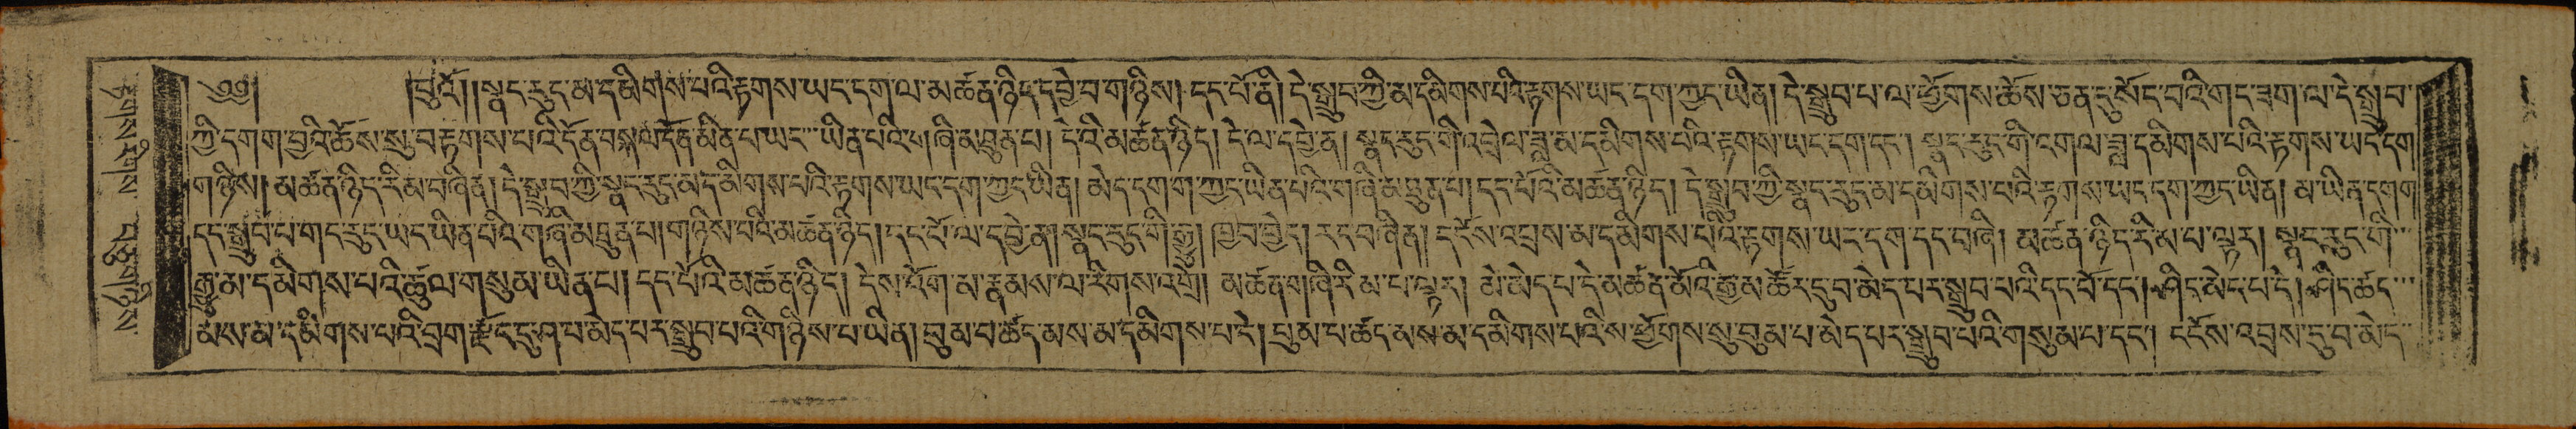༄༅། །བུའོ། །སྣང་རུང་མ་དམིགས་པའི་རྟགས་ཡང་དག་ལ་མཚན་ཉིད་དབྱེ་བ་གཉིས། དང་པོ་ནི། དེ་སྒྲུབ་ཀྱི་མ་དམིགས་པའི་རྟགས་ཡང་དག་ཀྱང་ཡིན། དེ་སྒྲུབ་པ་ལ་ཕྱོགས་ཆོས་ཅན་དུ་སོང་བའི་གང་ཟག་ལ་དེ་སྒྲུབ་
ཀྱི་དགག་བྱའི་ཆོས་སུ་བརྟགས་པའི་དོན་བསྐལ་དོན་མིན་པ་ཡང་ཡིན་པའི་གཞི་མཐུན་པ། དེའི་མཚན་ཉིད། དེ་ལ་དབྱེ་ན། སྣང་རུང་གི་འབྲེལ་ཟླ་མ་དམིགས་པའི་རྟགས་ཡང་དག་དང་། སྣང་རུང་གི་འགལ་ཟླ་དམིགས་པའི་རྟགས་ཡང་དག་
གཉིས། མཚན་ཉིད་རིམ་བཞིན། དེ་སྒྲུབ་ཀྱི་སྣང་རུང་མ་དམིགས་པའི་རྟགས་ཡང་དག་ཀྱང་ཡིན། མེད་དགག་ཀྱང་ཡིན་པའི་གཞི་མཐུན་པ། དང་པོའི་མཚན་ཉིད། དེ་སྒྲུབ་ཀྱི་སྣང་རུང་མ་དམིགས་པའི་རྟགས་ཡང་དག་ཀྱང་ཡིན། མ་ཡིན་དགག་
དང་སྒྲུབ་པ་གང་རུང་ཡང་ཡིན་པའི་གཞི་མཐུན་པ། གཉིས་པའི་མཚན་ཉིད། དང་པོ་ལ་དབྱེ་ན། སྣང་རུང་གི་རྒྱུ། ཁྱབ་བྱེད། རང་བཞིན། དངོས་འབྲས་མ་དམིགས་པའི་རྟགས་ཡང་དག་དང་བཞི། མཚན་ཉིད་རིམ་པ་ལྟར། སྣང་རུང་གི་
རྒྱུ་མ་དམིགས་པའི་ཚུལ་གསུམ་ཡིན་པ། དང་པོའི་མཚན་ཉིད། དེས་འོག་མ་རྣམས་ལ་རིགས་འགྲེ། མཚན་གཞི་རིམ་པ་ལྟར། མེ་མེད་པ་དེ་མཚན་མོའི་རྒྱ་མཚོར་དུ་བ་མེད་པར་སྒྲུབ་པའི་དང་པོ་དང་། ཤིང་མེད་པ་དེ། ཤིང་ཚད་
མས་མ་དམིགས་པའི་བྲག་རྫོང་དུ་ཤ་པ་མེད་པར་སྒྲུབ་པའི་གཉིས་པ་ཡིན། བུམ་པ་ཚད་མས་མ་དམིགས་པ་དེ། བུམ་པ་ཚད་མས་མ་དམིགས་པའི་ས་ཕྱོགས་སུ་བུམ་པ་མེད་པར་སྒྲུབ་པའི་གསུམ་པ་དང་། དངོས་འབྲས་དུ་བ་མེད་